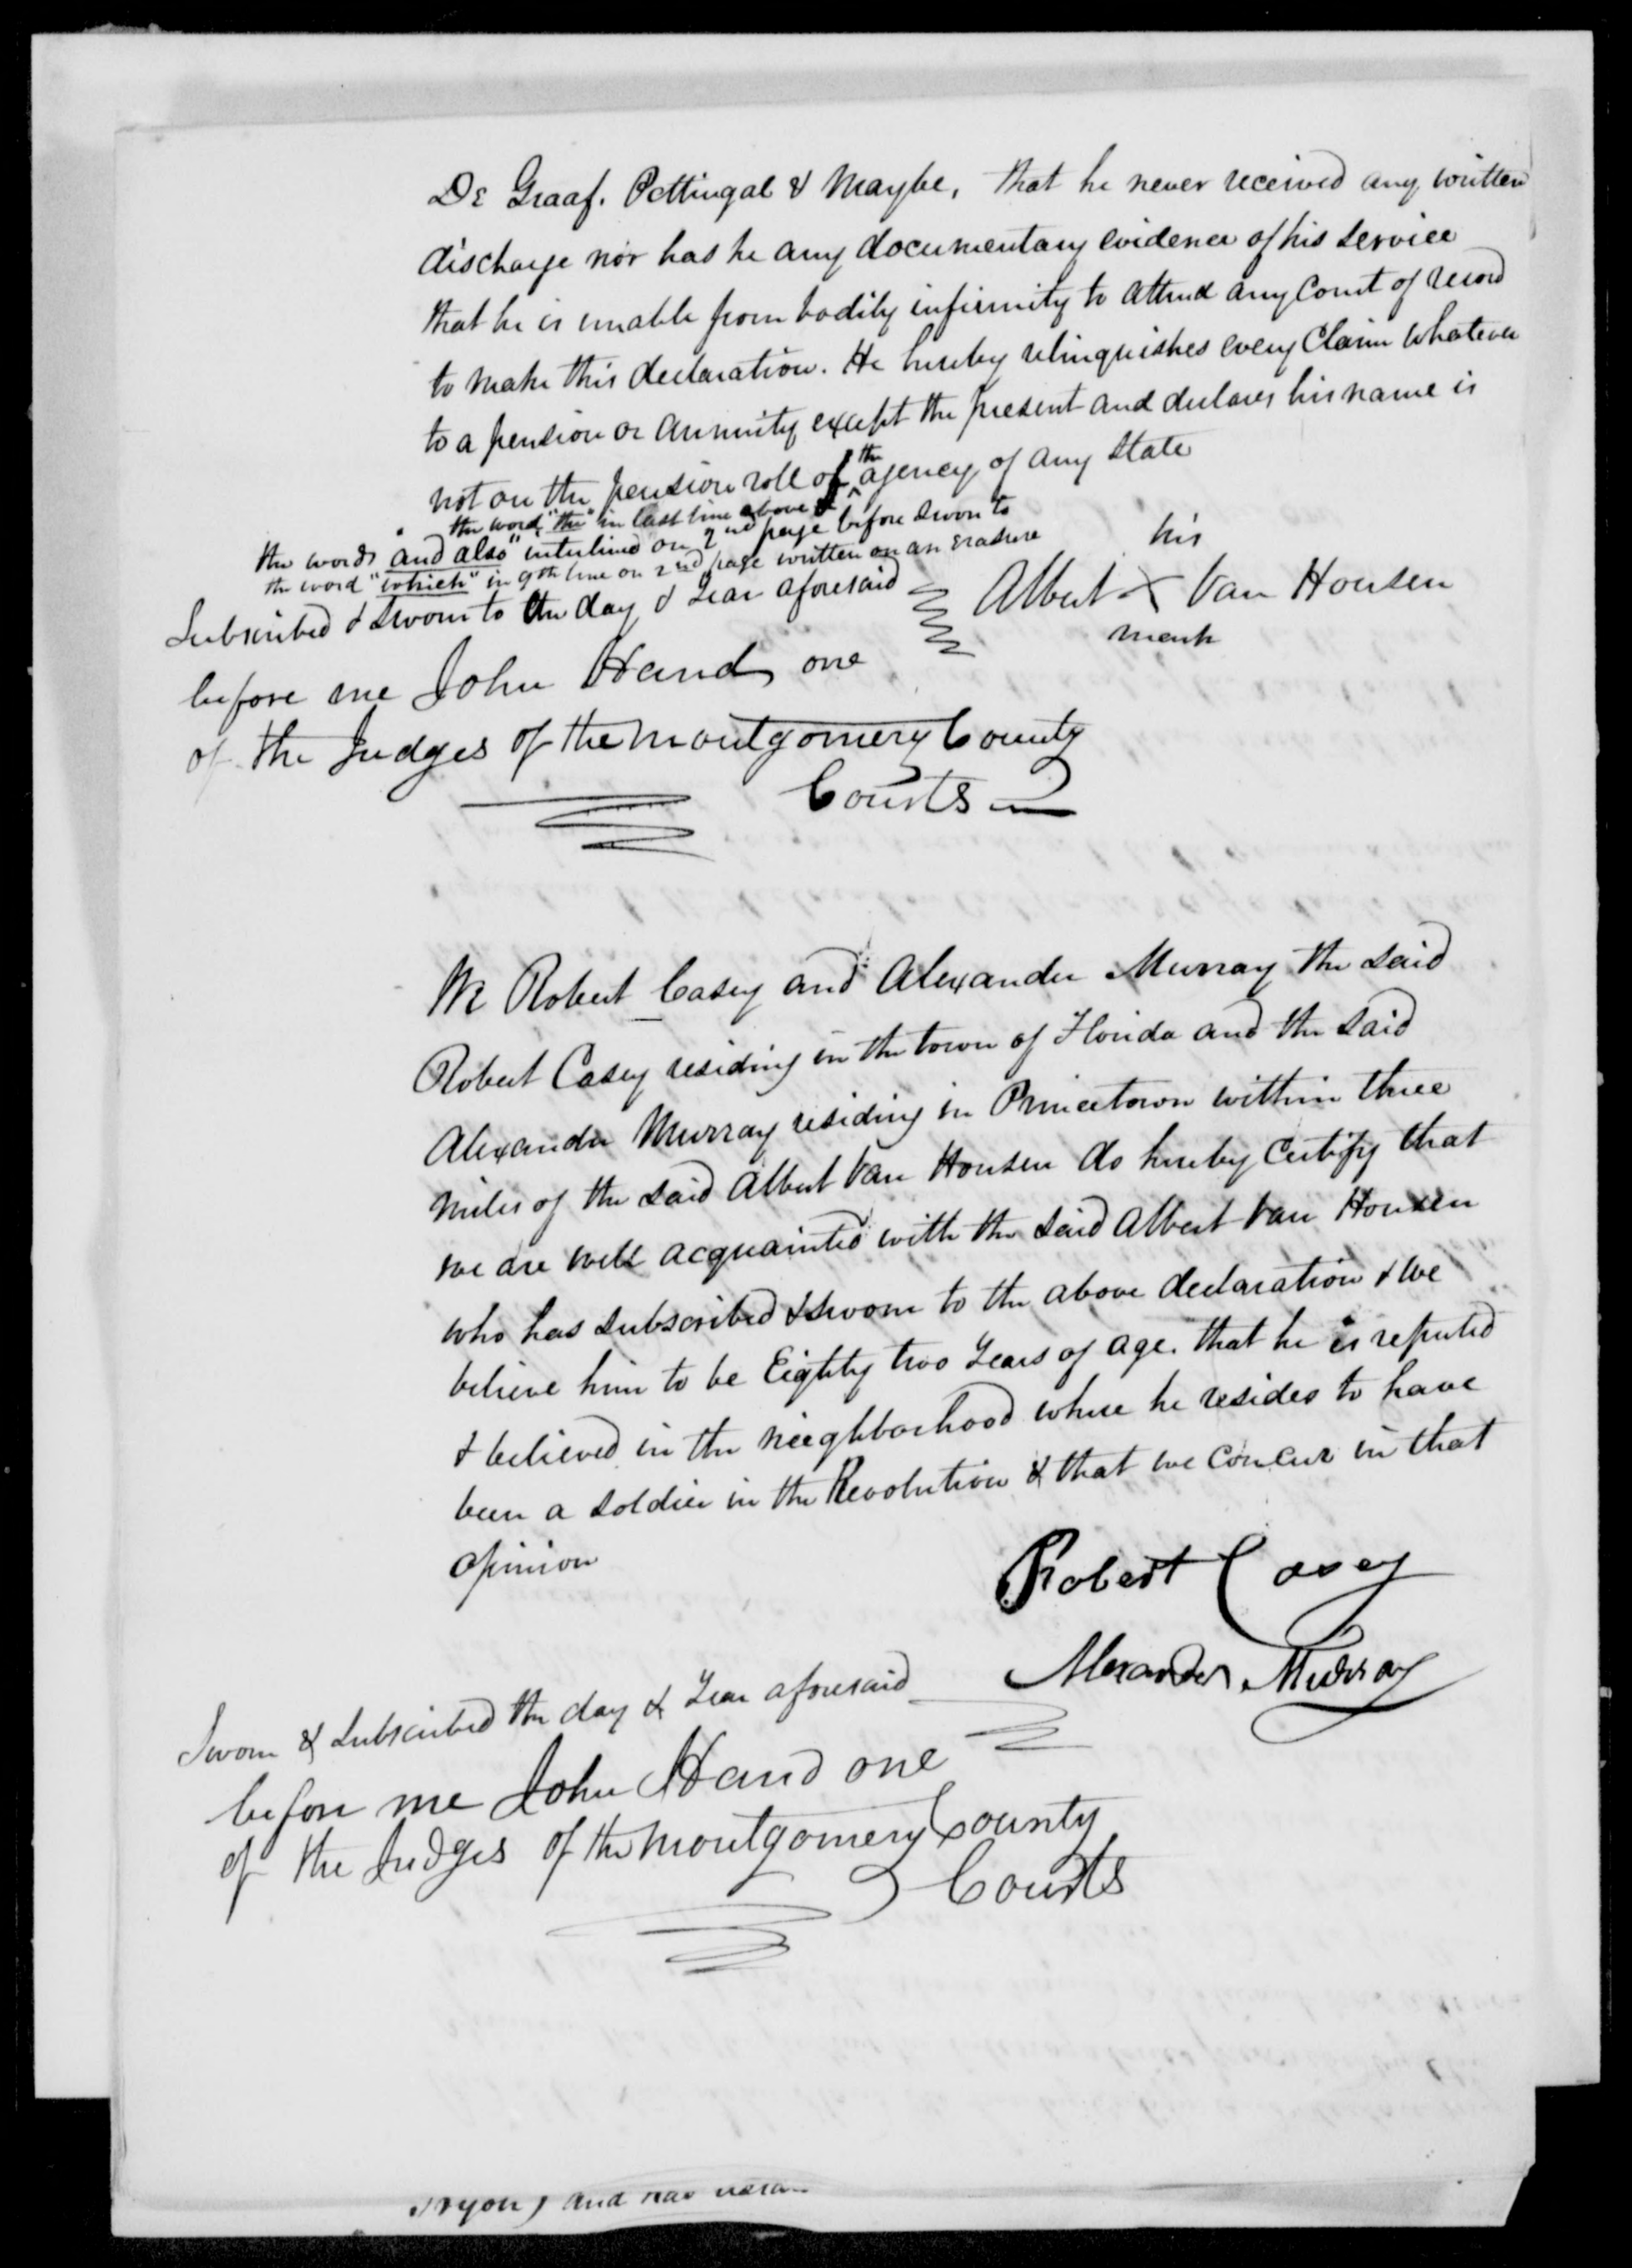De Graaf, Pettingal & Maybe, that he never received any written discharge nor has he any documentary evidence of his service that he is unable from bodily infirmity to attend any Court of record to make this declaration. He hereby relinquishes every claim whatever to a pension or annuity except the present and declares his name is not on the pension roll of the agency of any State 
The word “the” in last line above & the words “and also” interlined on 2nd page before sworn to the word “which” in 9th line on 2nd page written on an erasure
[signed] Albert Van Housen X his mark
Subscribed & sworn to the day & year aforesaid before me John Hand one of the Judges of the Montgomery County Courts 

We Robert Casey and Alexander Murray the said Robert Casey residing in the town of Florida and the said Alexander Murray residing in Princetown within three miles of the said Albert Van Housen do hereby certify that we are well acquainted with the said Albert Van Housen who has subscribed & sworn to the above declaration & we believe him to be Eighty two years of age, that he is reputed & believed in the neighborhood where he resides to have been a soldier in the Revolution & that we concur in that opinion 
[signed] Robert Casey  Alexander Murray
Sworn & Subscribed the day & year aforesaid before me John Hand one of the Judges of the Montgomery County Courts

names: Pettingal, Alexander Murray, Albert Van Housen, Alexander Murray, Albert Van Housen, De Graaf, Albert Van Housen, John Hand, Alexander Murray, Robert Casey, Robert Casey, Robert Casey, John Hand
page: 10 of 57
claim: survivor's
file: S. 28,925, Albert Van Housen, New York